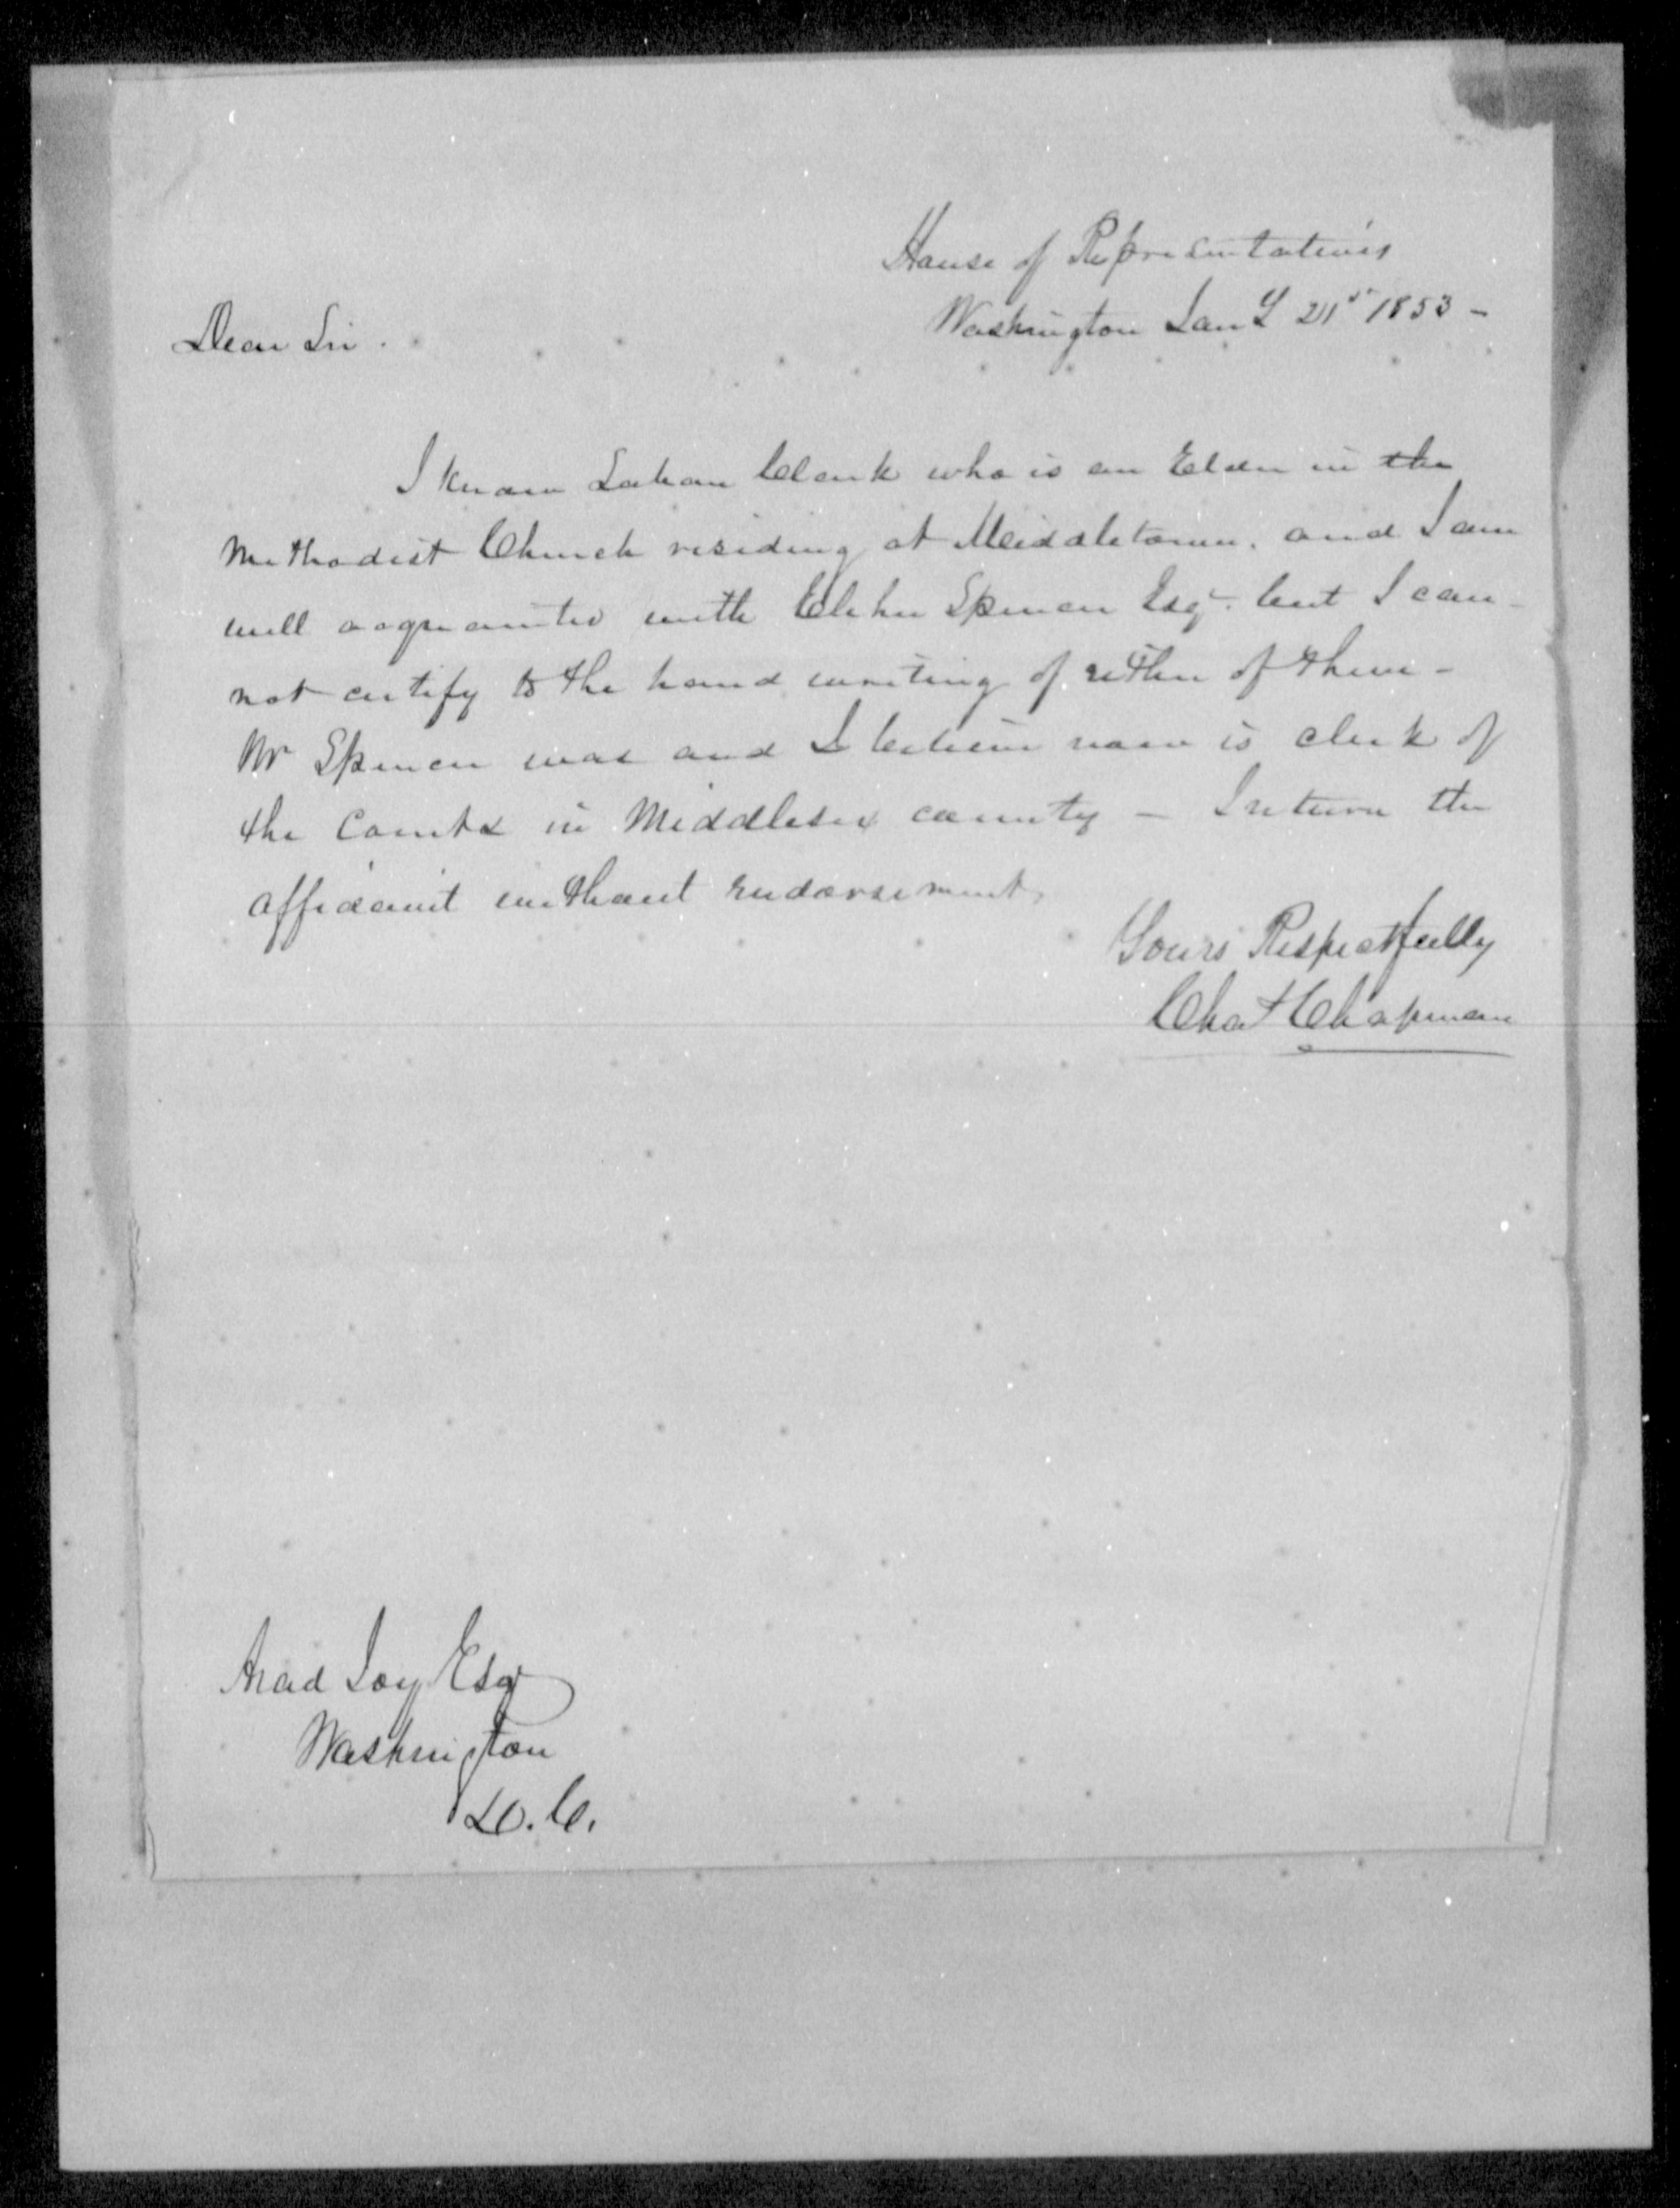House of Representatives
Washington Jany [JANUARY] 21st 1853-
Dear Sir
I know Laban Clark who is an Elder in the
Methodist Church residing at Meidaletown, and I am well acquainted with Elihu Spencer Esq [ESQUIRE] but I cannot certify to the hand writing of either of them Mr. Spencer was and I believe now is clerk of the Courts in Middlesex County - I return the affidavit without endorsement,
Respectfully
Chas [CHARLES] Chapman

Ara Joy Esq
Washington D.C.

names: Arad Joy; Elihu Spencer; Laban Clark; Chas Chapman; [BLANK] Spencer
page: 56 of 109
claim: widow's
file: W. 5709, for Thomas Richards, New Hampshire